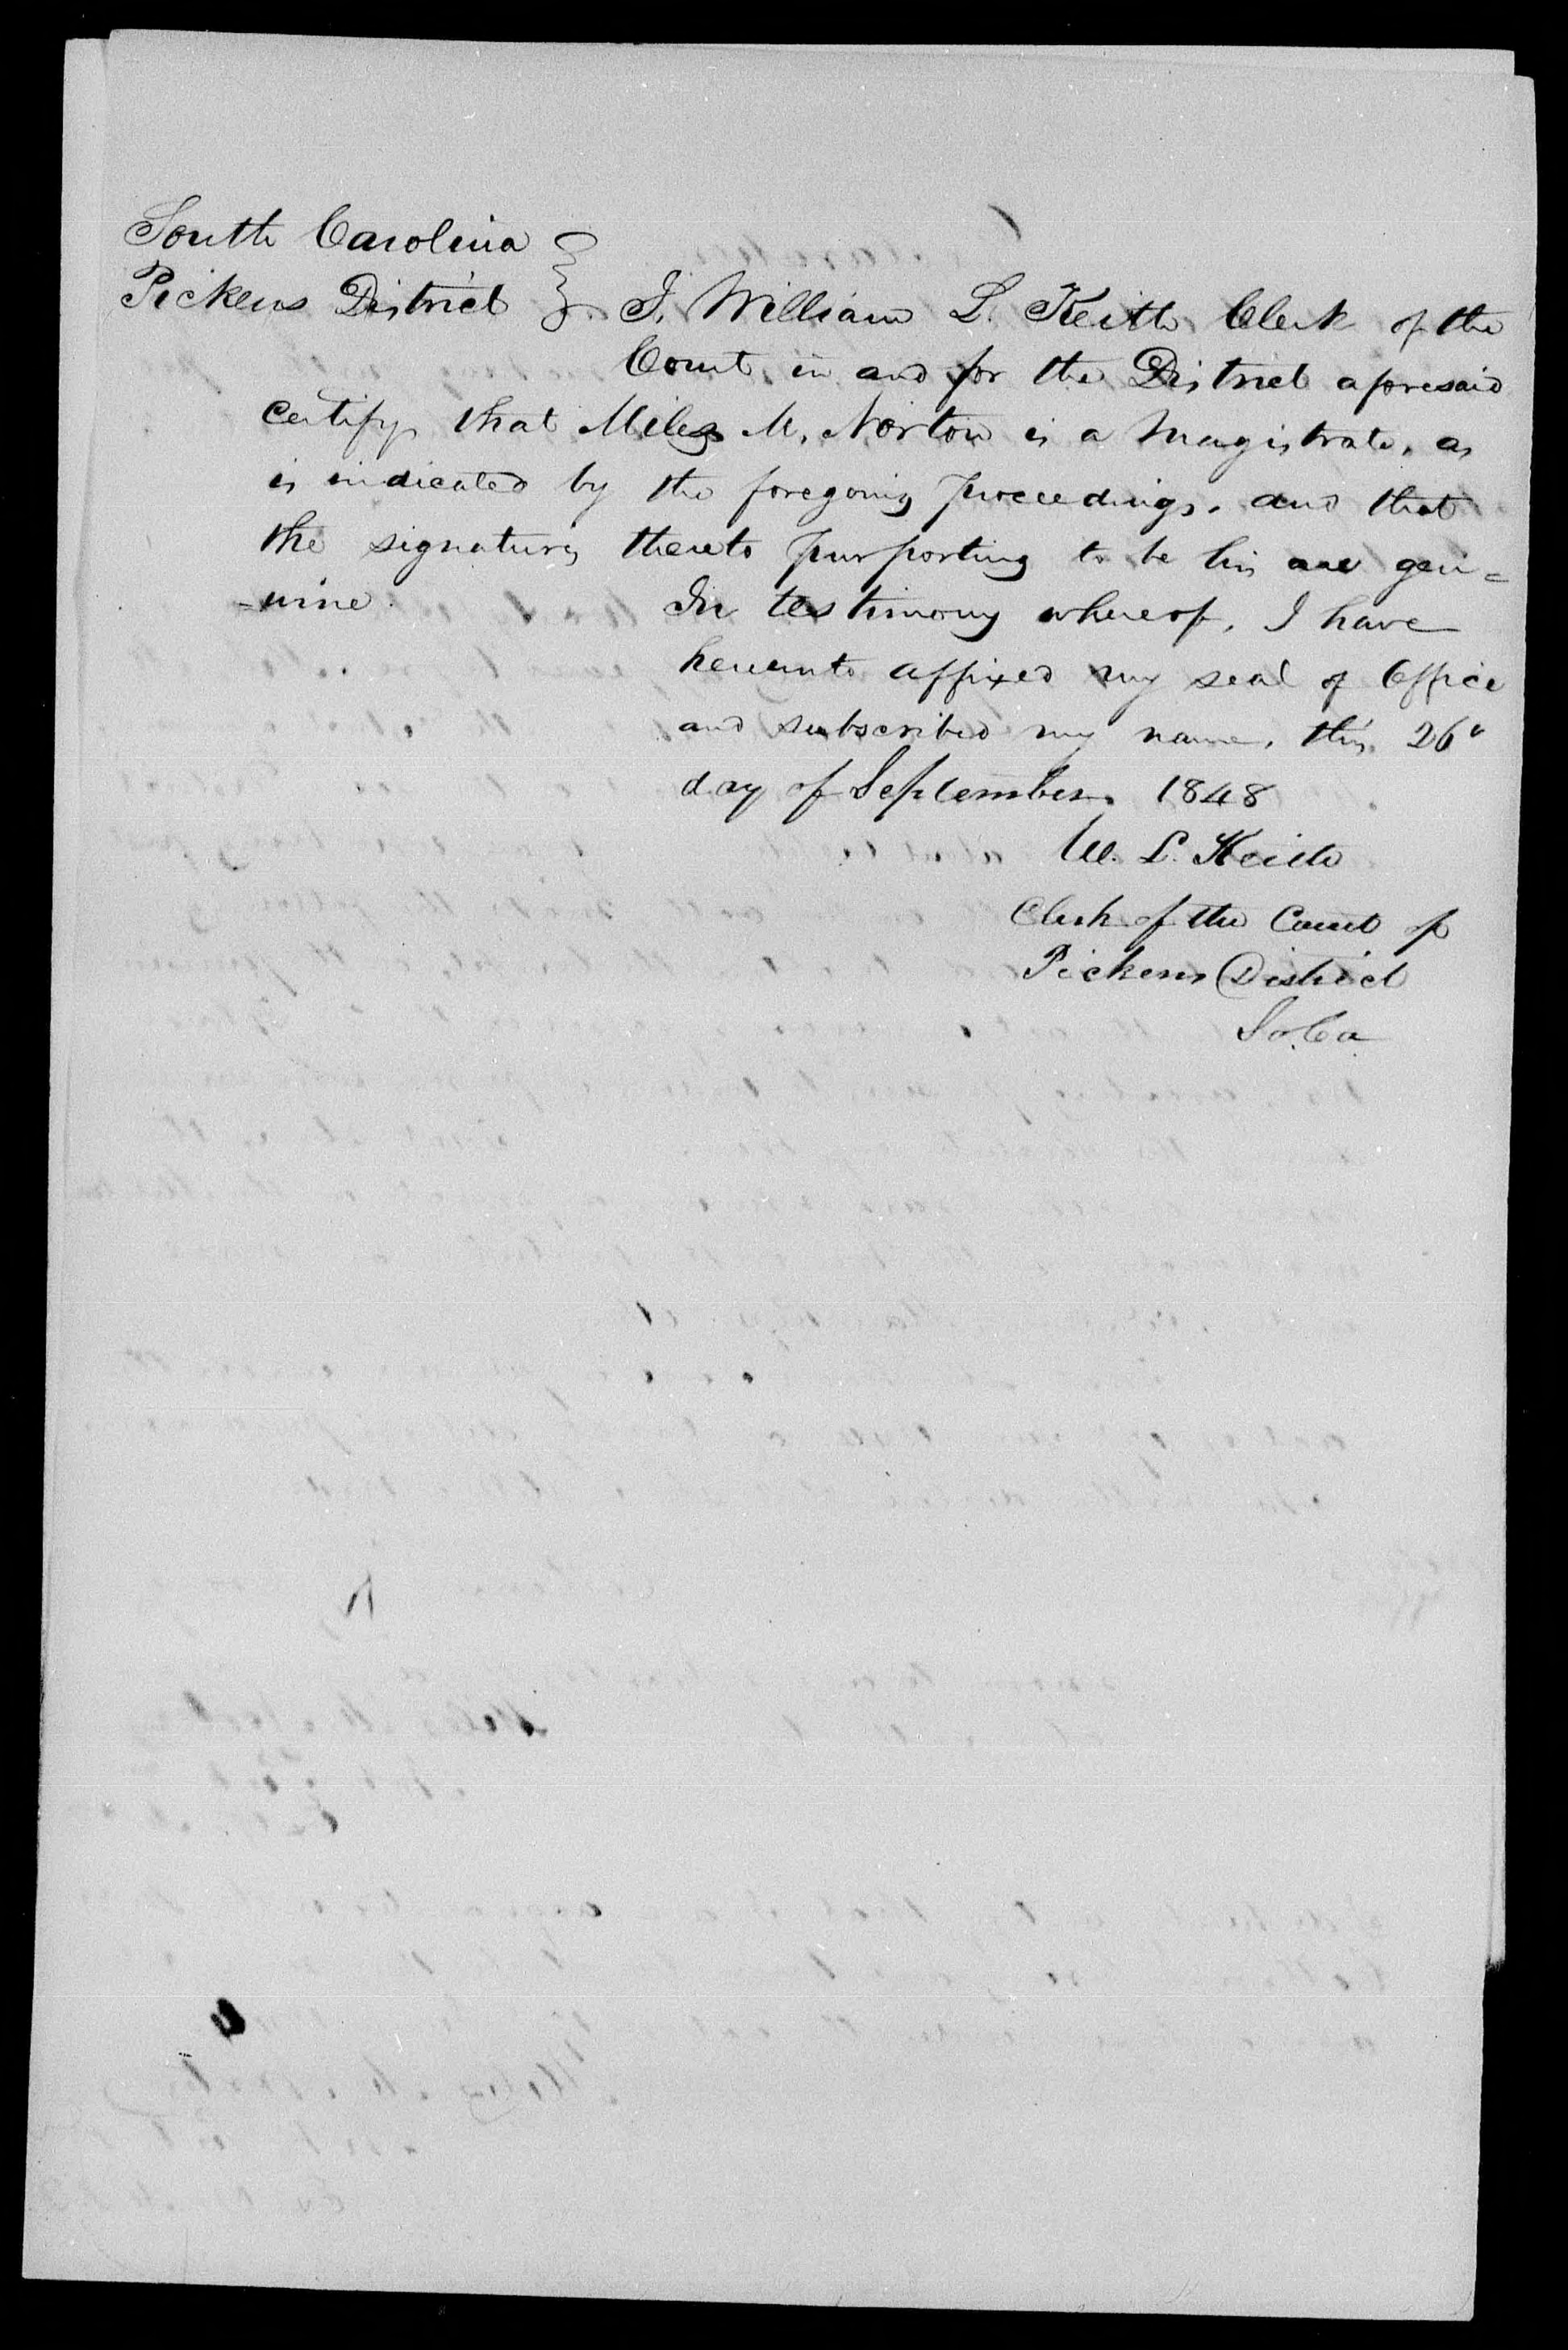South Carolina
Pickens District
I, William L Keith Clerk of the Court in and for the District aforesaid Certify that Miles M. Norton is a Magistrate, as is indicated by the foregoing proceedings, and that the signatures thereto purporting to be his are genuine.
In testimony whereof, I have
hereunto affixed my seal of Office
and subscribed my name this 26th
day of September 1848
W. L. Keith
Clerk of the Court of
Pickens District
So.Ca.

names: W L Keith, Miles M Norton, William L Keith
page: 26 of 55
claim: widow's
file: W. 22864, John Craig, S.C. Born In Iceland